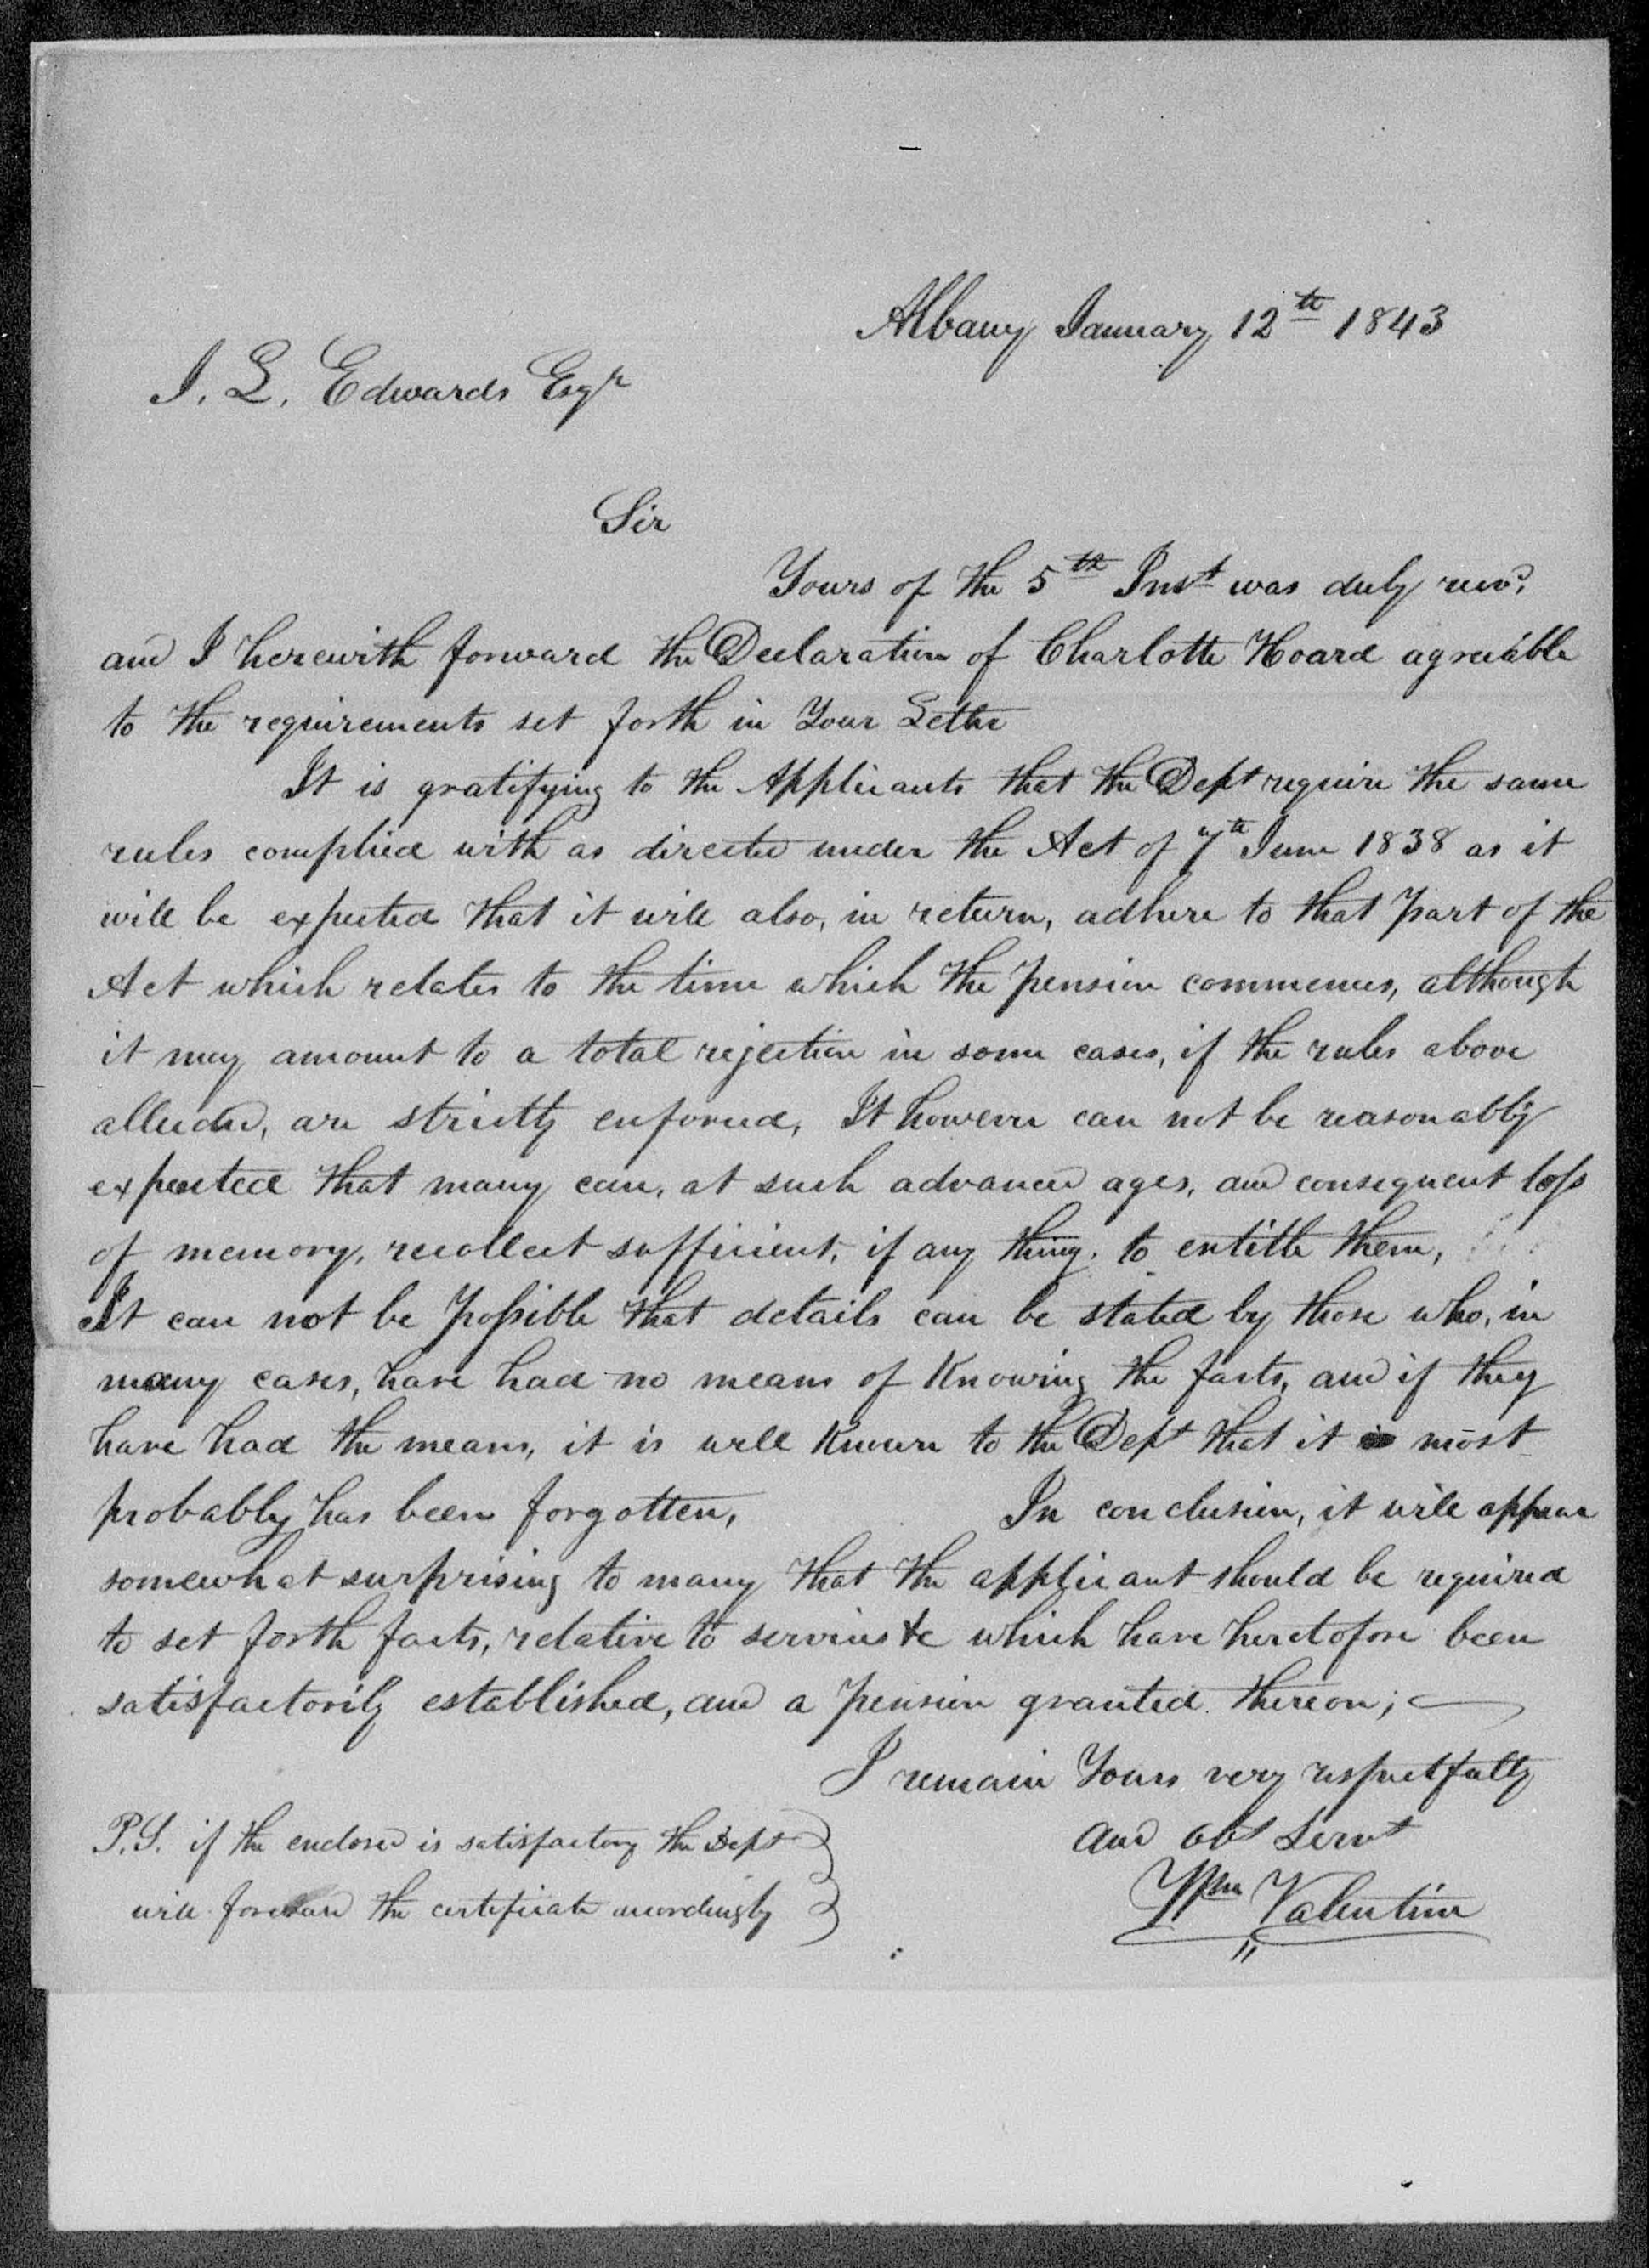Albany January 12th 1843 
J. L. Edwards Esqr 

Sir 

Yours of the 5th Inst instant] was duly recd and I herewith forward the Declaration of Charlotte Hoard agreeable to the requirements set forth in your Letter 

It is gratifying to the Applicant that the Dept require the same rules complied with as directed under the Act of 7th June 1838 as it will be expected that it will also in return, adhere to that part of the Act which relates to the time which the pension commences, although it may amount to a total rejection in some cases, if the rules above alluded, are strictly enforced. If however can not be reasonably expected that many can, at such advanced ages, and consequent loss of memory, recollect sufficient, if any thing to entitle them, It can not be possible that details can be stated by those who, in many cases, have had no means of knowing the facts, and if they have had the means, it is well known to the Dept that it is most probably has been forgotten, I

n conclusion, it will appear somewhat surprising to many that the applicant should be required to set forth facts, relative to services &c which have heretofore been satisfactorily established, and a pension granted thereon; - 
I remain Yours very respectfully 
an Obt Servt 
Wm Valentine (signature)

P.S. if the enclosed is satisfactory the Dept will forward the certificate accordingly }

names: Wm Valentine, Charlotte Hoard, J L Edwards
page: 31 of 52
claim: widow's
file: W 19755, Jonathan Hoard, Mass.